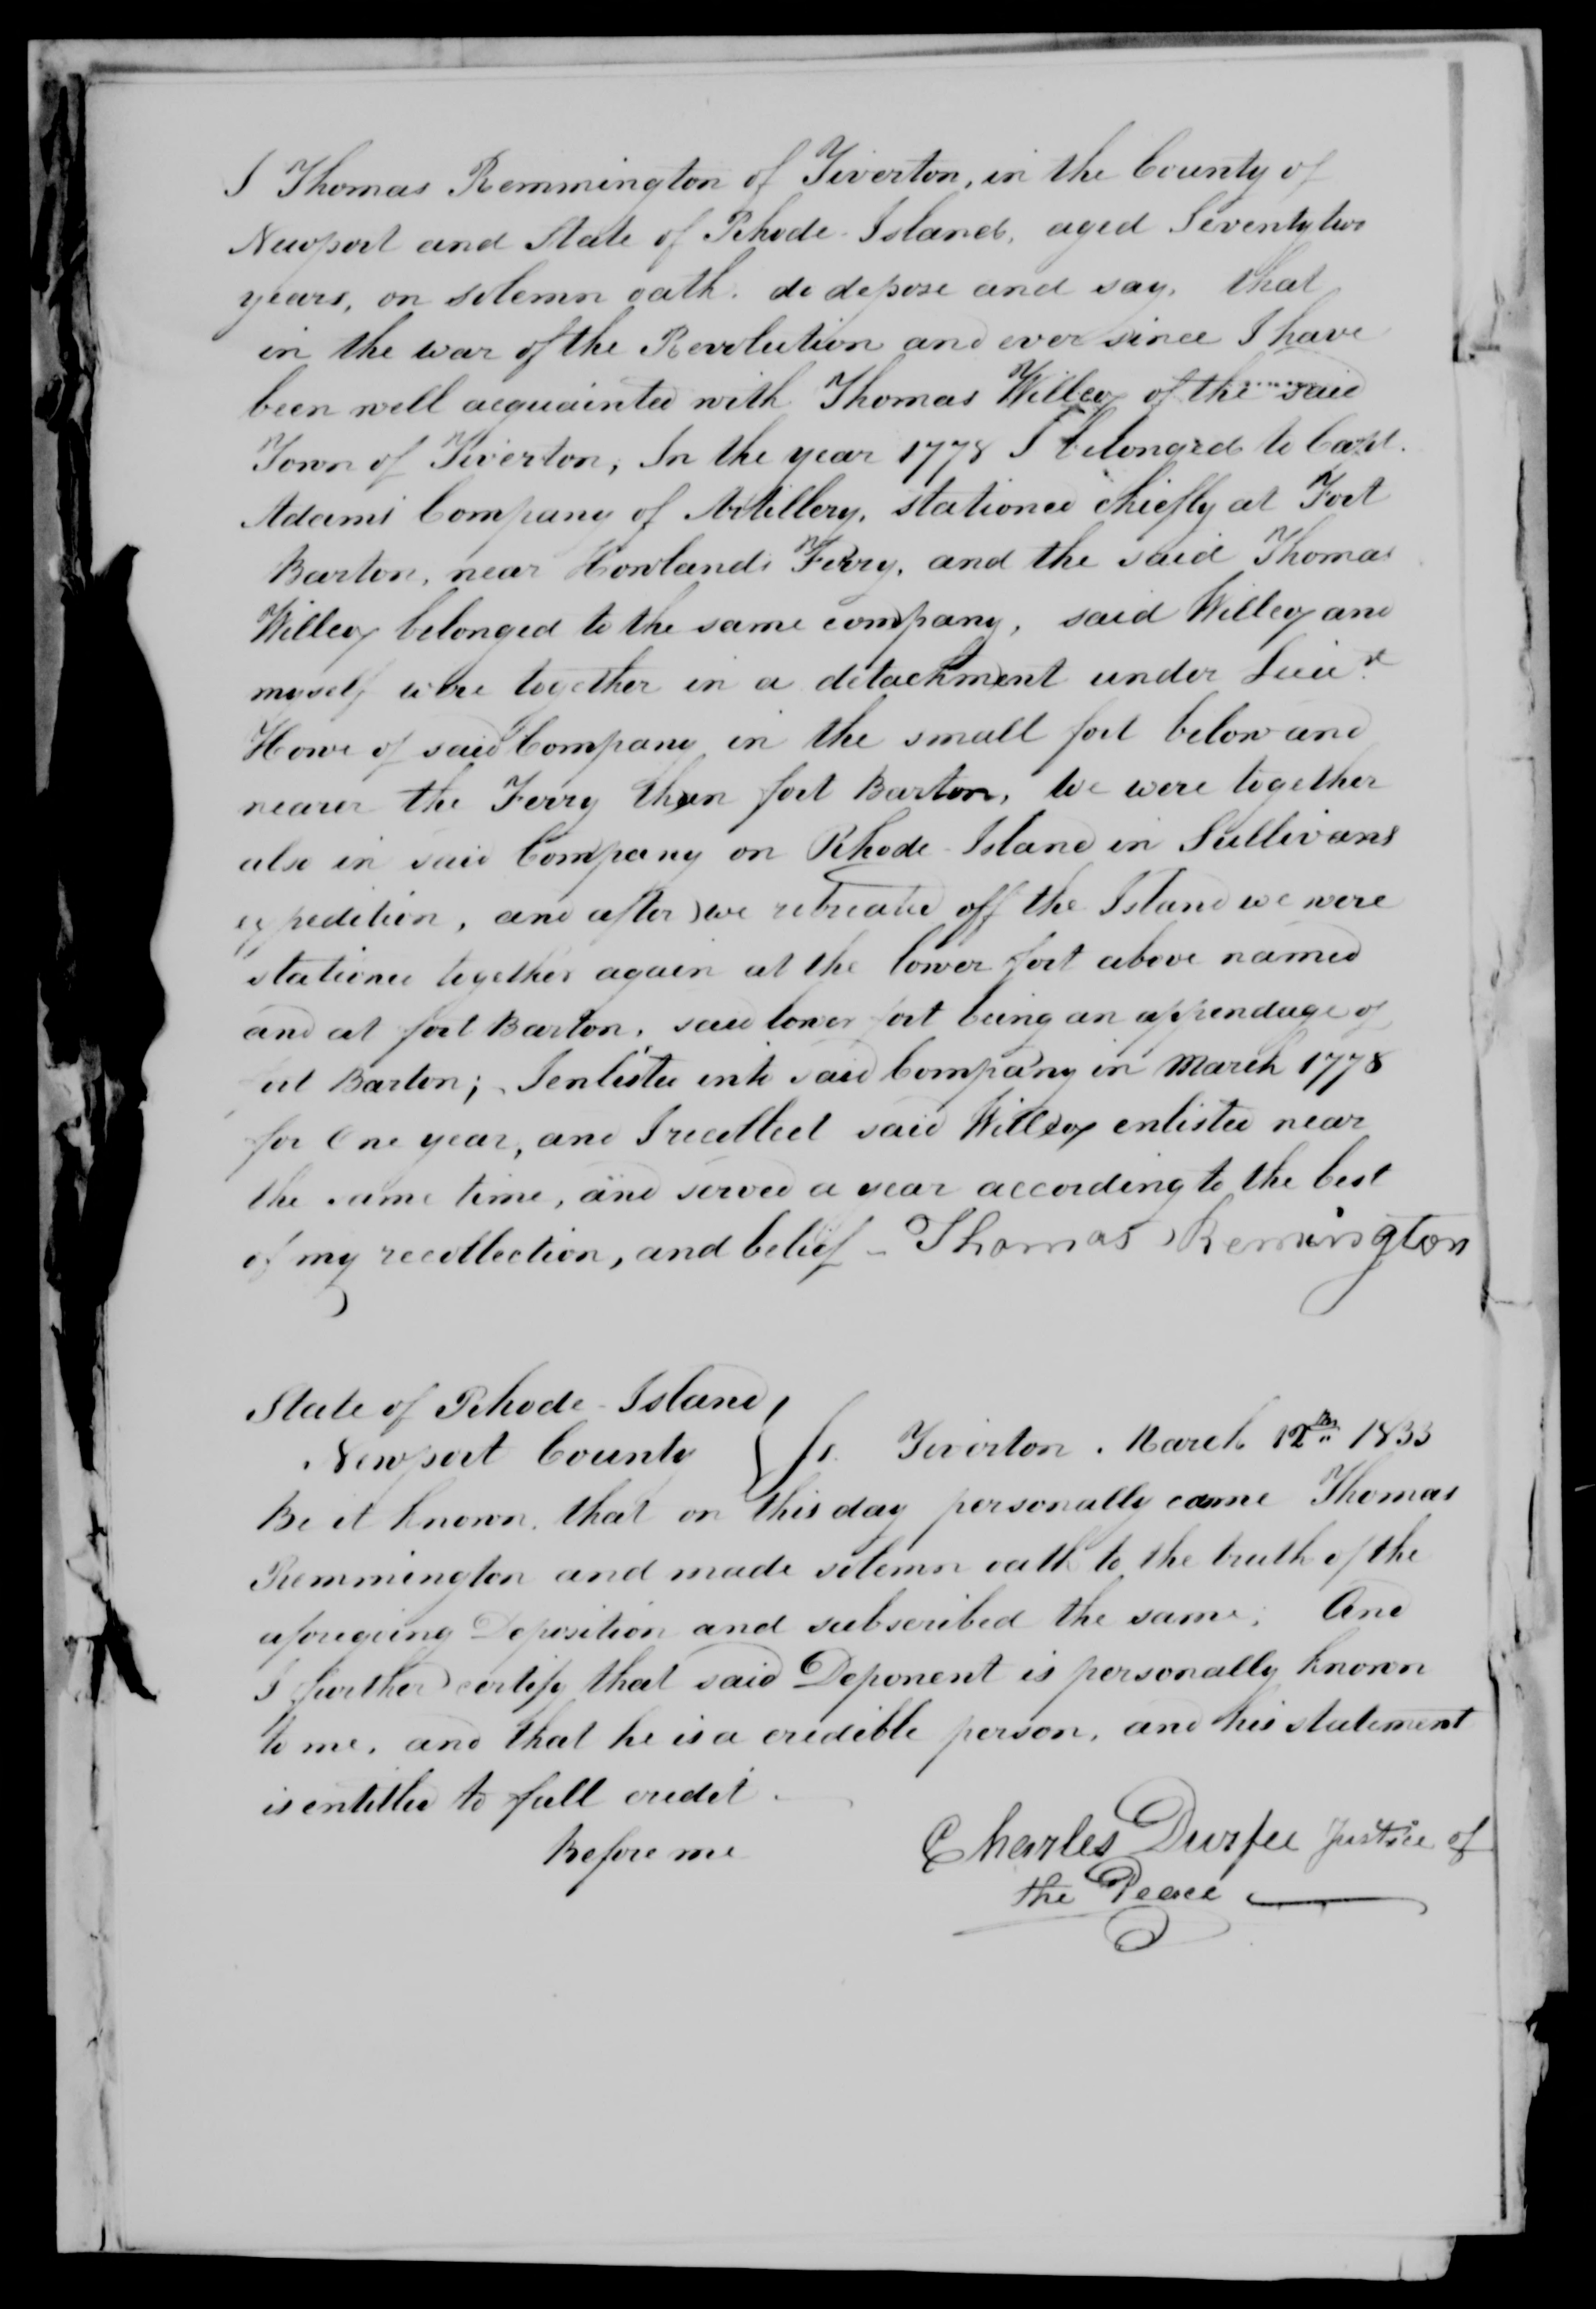I Thomas Remmington of Tiverton, in the County of
Newport and State of Rhode Island, aged Seventy two
years, on solemn oath, do depose and say, that
in the war of the Revolution and ever since I have
been well acquainted with Thomas Willcox of the said
Town of Tiverton, in the year 1778 I belonged to Capt.
Adams Company of Artillery, stationed chiefly at Fort
Barton, near Howlands Ferry, and the said Thomas
Willcox belonged to the same company, said Willcox and
myself who together in a detachment under Lucient
Howe of said Company in the small fort below and
nearer the Ferry than fort Barton, we were together
also in said Company on Rhode Island in Sullivans
expedition, and after we retreated of the Island we were stationed together again at the lower fort above named
and at fort Barton, said lower fort being an appendage of
Fort Barton, I enlisted into said Company in March 1778
for one year, and I recollected said Willcox enlisted near
the same time, and served a year according to the best
of my recollection, and belief - Thomas Remington
State of Rhode Island
Newport County
Tiverton March 12th 1833
Be it known that on this day personally came Thomas
Remmington and made solemn oath to the truth of the
aforegoing Deposition and subscribed the same; And
I further certify that said Deponent is personally known
to me, and that he is a credible person, and his statement
is entitled to full credit Before me
Charles Durfee Justice of ┃
the Peace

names: Thomas Willcox, Charles Durfee, Howe, Thomas Remington, Thomas Remmington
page: 15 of 39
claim: widow's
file: W. 26046, Thomas Willcox, R.I.